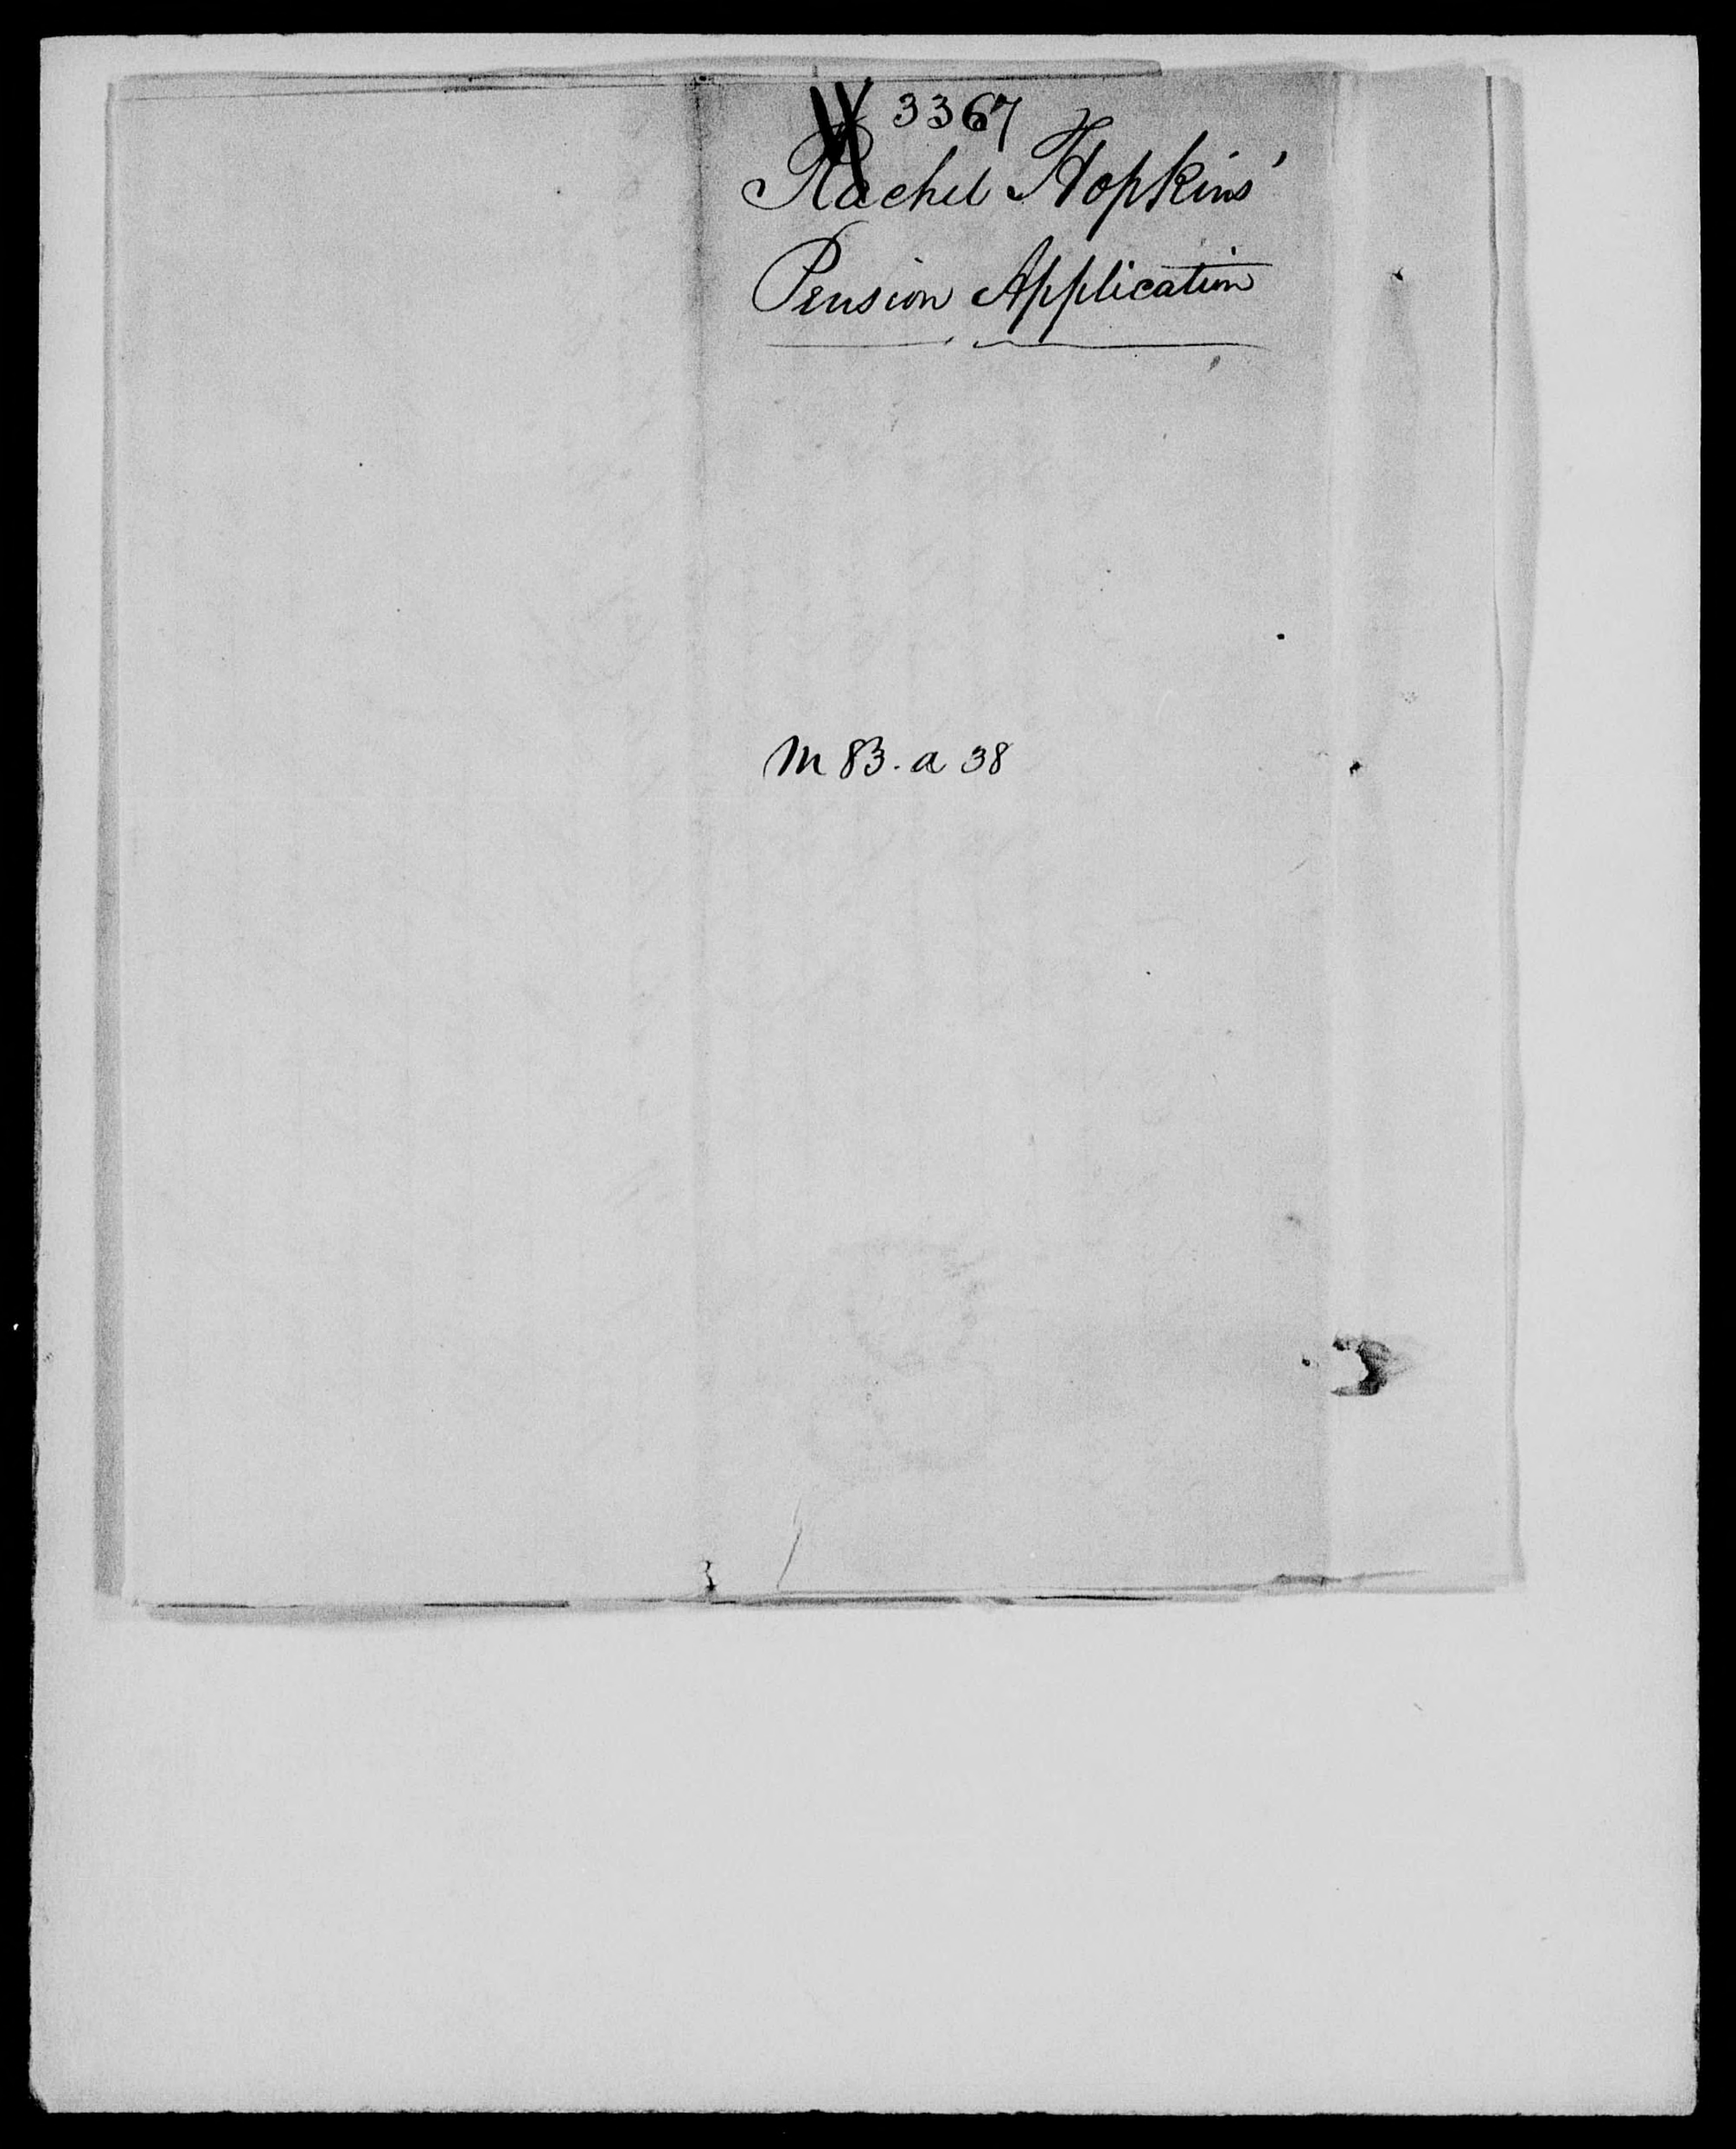3367
Rachel Hopkins
Pension Application

M. 83. a 38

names: Rachel Hopkins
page: 72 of 144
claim: rejected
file: R. 5208, Dennis Hopkins, N.C.